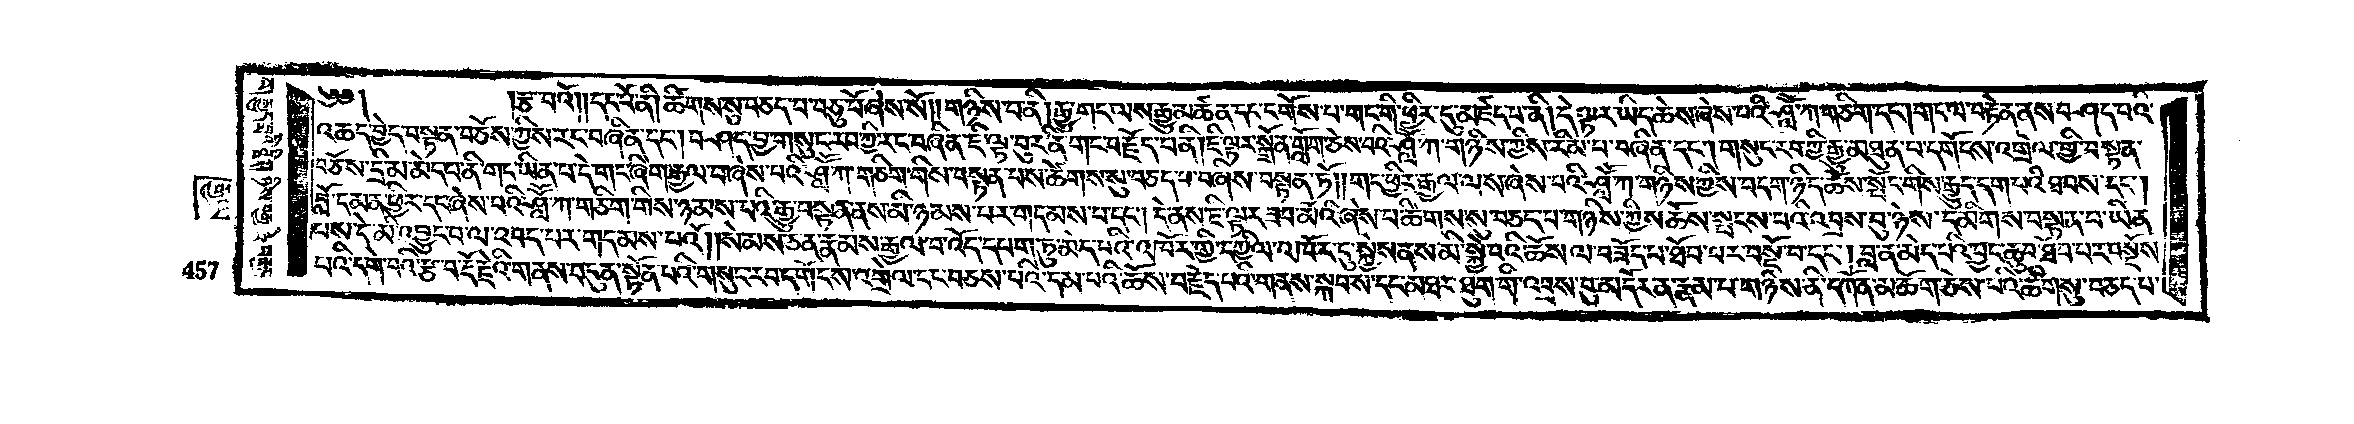༄༅། །རྩ་བའོ། །དང་པོ་ནི། ཚིགས་སུ་བཅད་པ་བཅུ་པོ་ཞེས་སོ། །གཉིས་པ་ནི། རྒྱུ་གང་ལས་རྒྱུ་མཚན་དང་དགོས་པ་གང་གི་ཕྱིར་དུ་མཛད་པ་ནི། དེ་ལྟར་ཡིད་ཆེས་ཞེས་པའི་ཤོ་ལོ་ཀ་གཅིག་དང་། གང་ལ་བརྟེན་ནས་བཤད་པའི་
འཆད་བྱེད་བསྟན་བཅོས་ཀྱིས་རང་བཞིན་དང་། བཤད་བྱ་གསུང་རབ་ཀྱི་རང་བཞིན་ཇི་ལྟ་བུར་ནི་གང་བརྗོད་པ་ནི། ཇི་ལྟར་སྒྲོན་གློག་ཅེས་པའི་ཤོ་ལོ་ཀ་གཉིས་ཀྱིས་རིམ་པ་བཞིན་དང་། གསུང་རབ་ཀྱི་རྒྱུ་མཐུན་པ་དགོངས་འགྲེལ་གྱི་བསྟན་
བཅོས་དྲི་མ་མེད་པ་ནི་གང་ཡིན་པ་དེ་དག་ཞིག་རྒྱལ་བ་ཞེས་པའི་ཤོ་སོ་ཀ་གཅིག་གིས་བསྟན་པས་ཚིགས་སུ་བཅད་པ་བཞིས་བསྟན་ཏོ། །གང་ཕྱིར་གྱལ་ལས་ཞེས་པའི་ཤོ་ལོ་ཀ་གཉིས་ཀྱིས་བདག་ཉིད་ཆོས་སྤོང་གིས་རྒྱུད་དག་པའི་ཐབས་དང་།
བློ་དམན་ཕྱིར་དང་ཞེས་པའི་ཤོ་ལོ་ཀ་གཅིག་གིས་ཉམས་པའི་རྒྱུ་བསྟན་ནས་མི་ཉམས་པར་གདམས་པ་དང་། དེ་ནས་ཇི་ལྟ་ཟབ་མོའི་ཞེས་པ་ཚིགས་སུ་བཅད་པ་གཉིས་ཀྱིས་ཆོས་སྤངས་པའི་འབྲས་བུ་ཉེས་དམིགས་བསྟན་པ་ཡིན་
པས་དེ་མི་འབྱུང་བ་ལ་འབད་པར་གདམས་པའོ། །སེམས་ཅན་རྣམས་རྒྱལ་བ་འོད་དཔག་ཏུ་མེད་པའི་འཁོར་གྱི་དཀྱིལ་འཁོར་དུ་སྐྱེས་ནས་མི་སྐྱེ་བའི་ཆོས་ལ་བཟོད་པ་ཐོབ་པར་བསྔོ་བ་དང་། བླ་ན་མེད་པའི་བྱང་ཆུབ་ཐོབ་པར་བསྔོས་
པའི་དགེ་བའི་རྩ་བ་རྡོ་རྗེ་གནས་བདུན་སྟོན་པའི་གསུང་རབ་དགོངས་འགྲེལ་དང་བཅས་པའི་དམ་པའི་ཆོས་བརྗེད་པའི་གནས་སྐབས་དང་མཐར་ཐུག་གི་འབྲས་བུ་མདོར་ན་རྣམ་པ་གཉིས་ནི་དཀོན་མཆོག་ཅེས་པའི་ཚིགས་སུ་བཅད་པ་